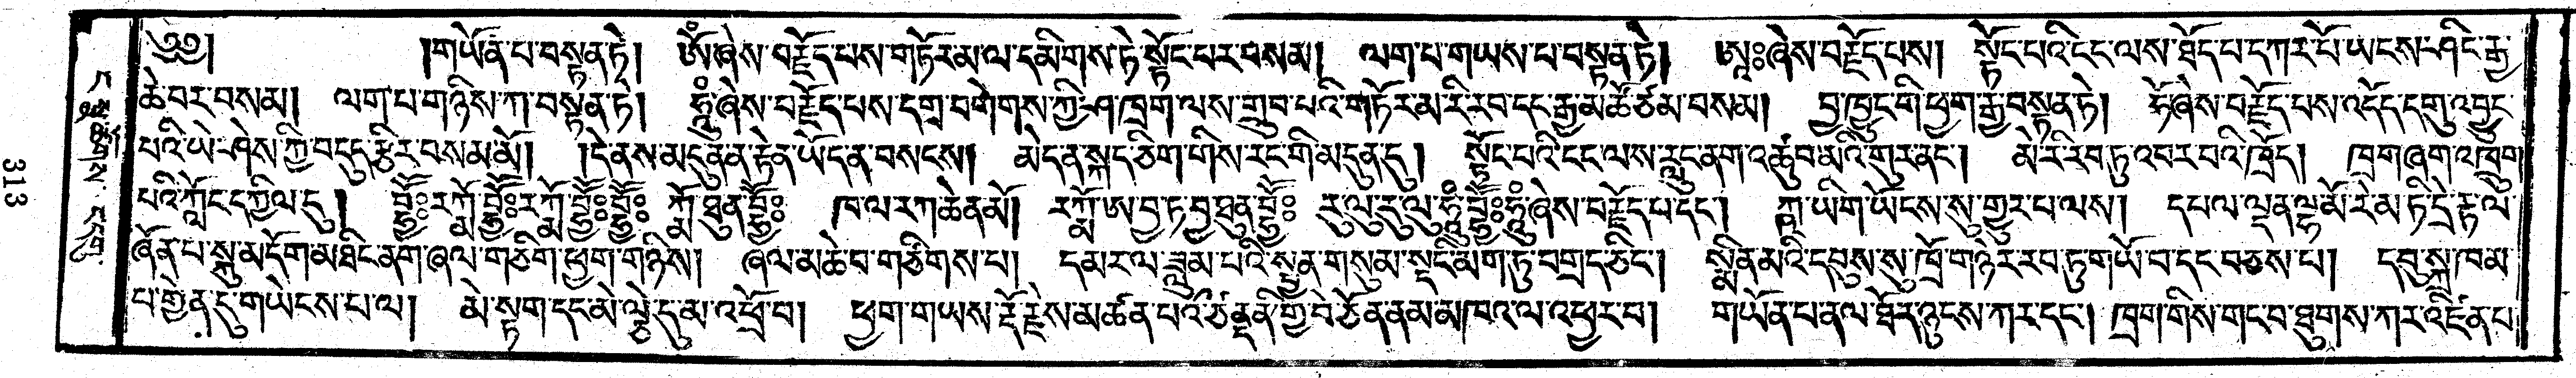༄༅། །གཡོན་པ་བསྟན་ཏེ། ཨོཾ་ཞེས་བརྗོད་པས་གཏོར་མ་ལ་དམིགས་ཏེ་སྟོང་པར་བསམ། ལག་པ་གཡས་པ་བསྟན་ཏེ། ཨཱཿ ཞེས་བརྗོད་པས། སྟོང་པའི་ངང་ལས་ཐོད་པ་དཀར་པོ་ཡངས་ཤིང་རྒྱ་
ཆེ་བར་བསམ། ལག་པ་གཉིས་ཀ་བསྟན་ཏེ། ཧཱུཾ་ཞེས་བརྗོད་པས་དགྲ་བགེགས་ཀྱི་ཤ་ཁྲག་ལས་གྲུབ་པའི་གཏོར་མ་རི་རབ་དང་རྒྱ་མཚོ་ཙམ་བསམ། བྱ་ཁྱུང་གི་ཕྱག་རྒྱ་བསྟན་ཏེ། ཧོ་ཞེས་བརྗོད་པས་འདོད་དགུ་འབྱུང་
པའི་ཡེ་ཤེས་ཀྱི་བདུད་རྩིར་བསམ་མོ། །དེ་ནས་མདུན་ན་རྟེན་ཡོད་ན་བསངས། མེད་ན་སྐད་ཅིག་གིས་རང་གི་མདུན་དུ། སྟོང་པའི་ངང་ལས་རླུང་ནག་འཚུབ་མའི་གུར་ནང་། མེ་རི་རབ་ཏུ་འབར་བའི་ཁྲོད། ཁྲག་ཞག་འཁྲུག་
པའི་ཀློང་དཀྱིལ་དུ། བྷྱཽཿ རྐྨོ་བྷྱཽཿ རྐྨོ་བྷྱཽཿ བྷྱཽཿ ཀྨོ་ཐུན་བྷྱཽཿ ཁ་ལ་རྐ་ཆེན་མོ། རྐྨོ་ཨ་བྱ་ཏ་བྱ་ཐུན་བྷྱཽཿ རུ་ལུ་རུ་ལུ་ཧཱུཾ་བྷྱཽཿ ཧཱུཾ་ཞེས་བརྗོད་པ་དང་། ཀྵ་ཡིག་ཡོངས་སུ་གྱུར་པ་ལས། དཔལ་ལྡན་ལྷ་མོ་རེ་མ་ཏི་དྲེ་རྟ་ལ་
ཞོན་པ་སྐུ་མདོག་མཐིང་ནག་ཞལ་གཅིག་ཕྱག་གཉིས། ཞལ་མཆེ་བ་གཙིགས་པ། དམར་ལ་ཟླུམ་པའི་སྤྱན་གསུམ་སྡང་མིག་ཏུ་བགྲད་ཅིང་། སྨིན་མའི་དབུས་སུ་ཁྲོ་གཉེར་རབ་ཏུ་གཡོ་བ་དང་བཅས་པ། དབུ་སྐྲ་ཁམ་
པ་གྱེན་དུ་གཡེངས་པ་ལ། མེ་སྟག་དང་མེ་ལྕེ་དུ་མ་འཕྲོ་བ། ཕྱག་གཡས་རྡོ་རྗེས་མཚན་པཱྀ་ཙྣྡན་ནི་གྱ་བེ་ཅོན་ནམ་མཁའ་ལ་འཕྱར་བ། གཡོན་པ་ནལ་ཐོར་ཉུངས་ཀར་དང་། ཁྲག་གིས་གང་བ་ཐུགས་ཀར་འཛིན་པ་